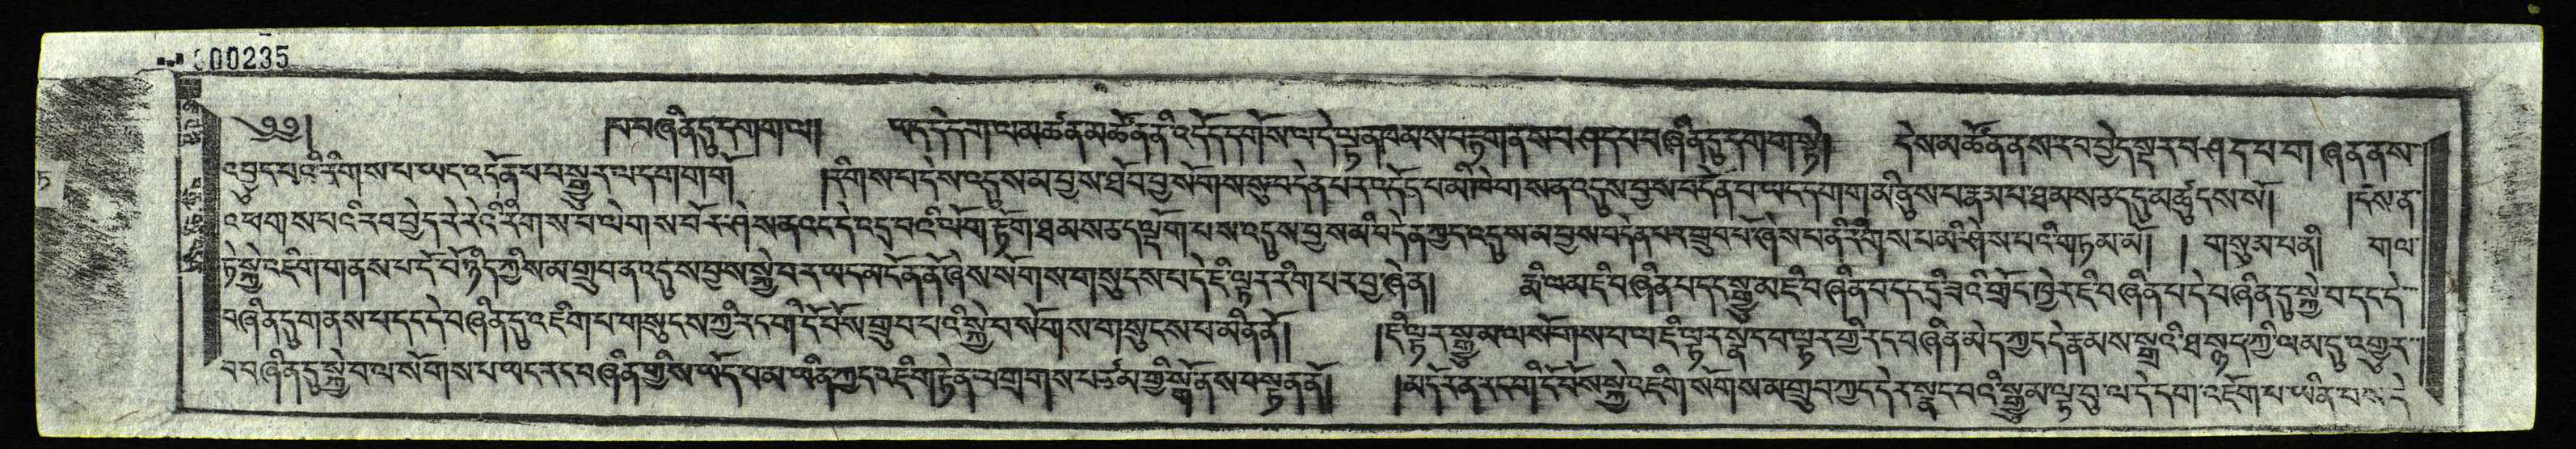༄༅། །པ་བཞིན་དུ་དགག་ལ། ཡང་དེ་དག་ལ་མཚན་མཚོན་ནི་འདོད་དགོས་ལ་དེ་ལྟ་ན་ཁམས་བརྟག་ནས་བཤད་པ་བཞིན་དུ་དགག་སྟེ། དེས་མཚོན་ནས་རབ་བྱེད་སྔར་བཤད་པ་གཞན་ནས་
འབྱུང་པའི་རིགས་པ་ཡང་འདོན་པ་བསྒྱུར་ལ་དགག་གོ །རིགས་པ་དེས་འདུས་མ་བྱས་ཐོབ་བྱ་སོགས་སུ་བདེན་པར་འདོད་པ་མི་ཁེགས་ན་འདུས་བྱས་བདེན་པ་ཡང་དགག་མི་ནུས་པ་རྣམ་པ་ཐམས་ཅད་དུ་མཚུངས་སོ། །དེས་ན་
འཕགས་པའི་རབ་བྱེད་རེ་རེའི་རིགས་པ་ལེགས་པོར་ཤེས་ནའང་དེ་འདྲ་བའི་ལོག་རྟོག་ཐམས་ཅད་ལྡོག་པས་འདུས་བྱས་མི་བདེན་ཀྱང་འདུས་མ་བྱས་བདེན་པར་གྲུབ་པོ་ཞེས་པ་ནི་རིགས་པ་མི་ཤེས་པའི་གཏམ་མོ། །གསུམ་པ་ནི། གལ་
ཏེ་སྐྱེ་འཇིག་གནས་པ་ངོ་བོ་ཉིད་ཀྱིས་མ་གྲུབ་ན་འདུས་བྱས་སྐྱེ་བར་ཡང་མངོན་ནོ་ཞེས་སོགས་གསུངས་པ་དེ་ཇི་ལྟར་རིག་པར་བྱ་ཞེ་ན། རྨི་ལམ་ཇི་བཞིན་པ་དང་སྒྱུ་མ་ཇི་བཞིན་པ་དང་དྲི་ཟའི་གྲོང་ཁྱེར་ཇི་བཞིན་པ་དེ་བཞིན་དུ་སྐྱེ་བ་དང་དེ་
བཞིན་དུ་གནས་པ་དང་དེ་བཞིན་དུ་འཇིག་པ་གསུངས་ཀྱི་རང་གི་ངོ་བོས་གྲུབ་པའི་སྐྱེ་བ་སོགས་གསུངས་པ་མིན་ནོ། །ཇི་ལྟར་སྒྱུ་མ་ལ་སོགས་པ་ལ་ཇི་ལྟར་སྣང་བ་ལྟར་གྱི་རང་བཞིན་མེད་ཀྱང་དེ་རྣམས་སྒྲའི་ཐ་སྙད་ཀྱི་ལམ་དུ་འགྱུར་
བ་བཞིན་དུ་སྐྱེ་བ་ལ་སོགས་པ་ཡང་རང་བཞིན་གྱིས་ཡོད་པ་མ་ཡིན་ཀྱང་འཇིག་རྟེན་ལ་གྲགས་པ་ཙམ་གྱི་སྒོ་ནས་བསྟན་ནོ། །མདོར་ན་རང་གི་ངོ་བོས་སྐྱེ་འཇིག་སོགས་མ་གྲུབ་ཀྱང་དེར་སྣང་བའི་སྒྱུ་མ་ལྟ་བུ་ལ་དེ་དག་འཇོག་པ་ཡིན་པས་དེ་